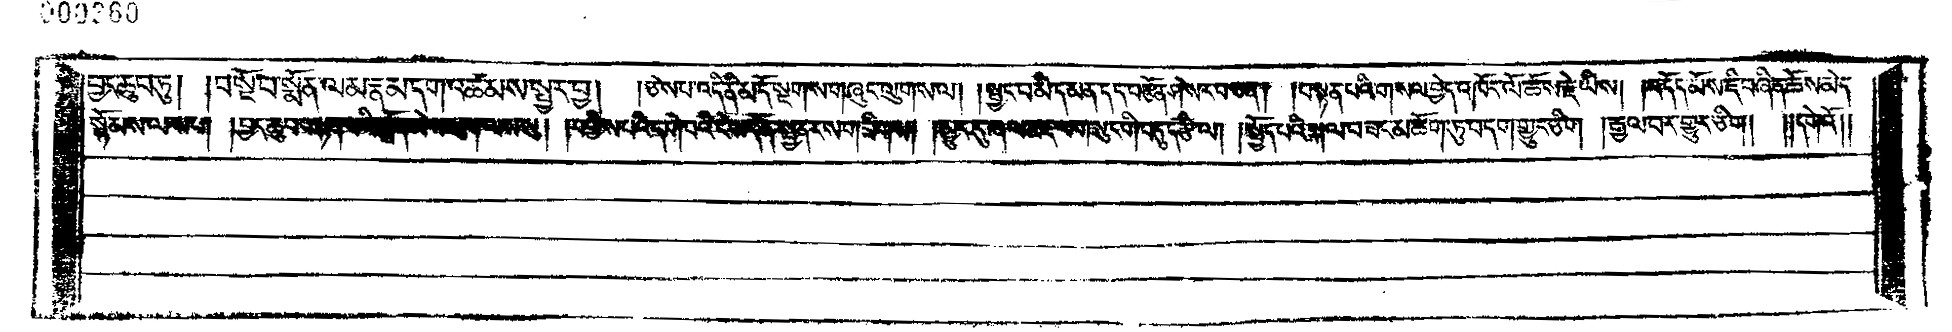བྱང་ཆུབ་ཏུ། །བསྔོ་བ་སྨོན་ལམ་རྣམ་དག་འཚམས་སྤྱར་བྱ། །ཅེས་པ་འདི་ནི་མདོ་སྔགས་གཞུང་ལུགས་ལ། །སྦྱང་བ་མི་དམན་དང་བརྩོན་ཤེས་རབ་ཅན། །བསྟན་པའི་གསལ་བྱེད་འཁོར་ལོ་ཆོས་རྗེ་ཡིས། །འདོད་མོས་ཇི་བཞིན་ཆོས་མེད་
སྙོམས་ལས་པ། །བྱང་ཆུབ་བསྟན་པའི་སྒྲོན་མེས་སུག་ལས་སུ། །བགྱིས་པའི་དགེ་བའི་ངེས་དོན་སྤྱན་རས་གཟིགས། །མྱུར་དུ་ཞལ་མཇལ་གསུང་གི་བདུད་རྩི་ལ། །སྤྱོད་པའི་སྐལ་བཟང་མཆོག་ཏུ་བདག་གྱུར་ཅིག །རྒྱལ་བར་གྱུར་ཅིག ། །།དགེའོ། །